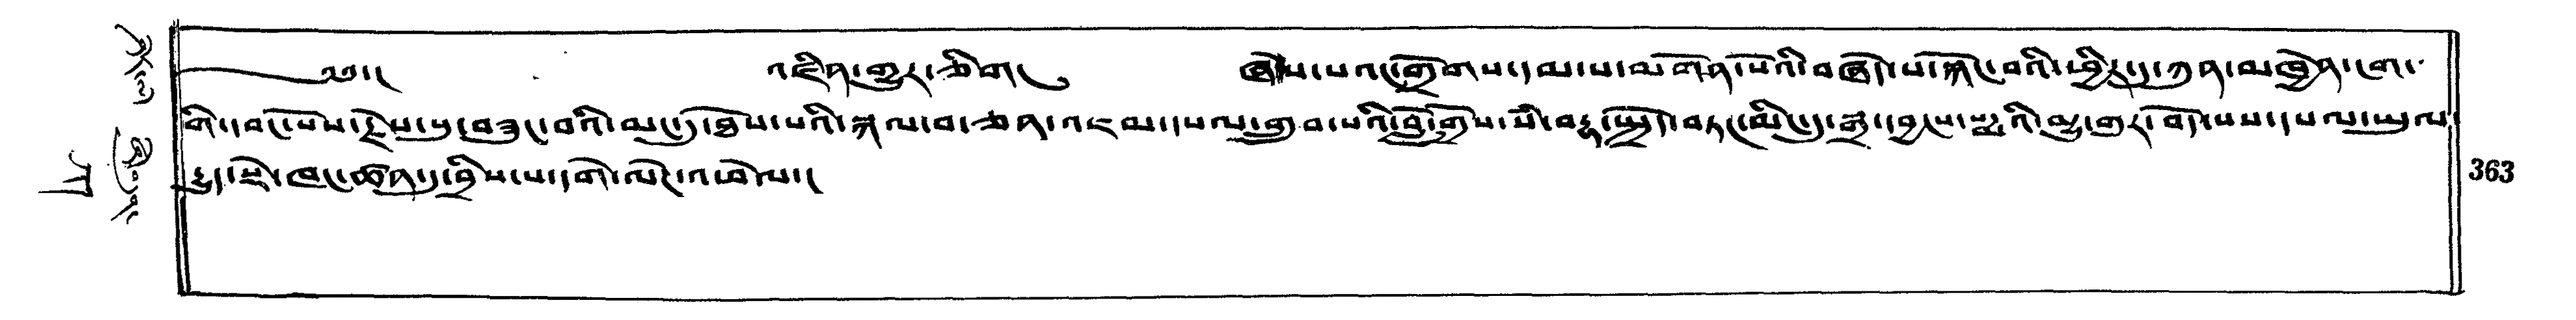འཛིན་གྱུར་ཅིག། ཞེས་པའང་གྲོགས་དམ་པ་མགོན་པོའི་བཞེད་པ་སྐོང་བའི་ཕྱིར་དུ་ཀུན་མཁྱེན་ངག་
གི་དབང་པོས་རྗེས་སུ་བཟུང་བའི་མང་དུ་ཐོས་པའི་སྐལ་བ་ཅན་འཇམ་དཔལ་གྲུབ་པའི་བློ་གྲོས་སམ་བརྡ་སྤྲོད་བཏགས་མིང་དུ་སྒྲ་དབྱངས་པདྨའི་མྱུ་གུར་བོད་པས་དཔལ་ཡུལ་
རྒྱུད་སྡེ་ཁང་ཚན་དུ་བྲིས་པ་དགེ་ལེགས་འཕེལ།། །།